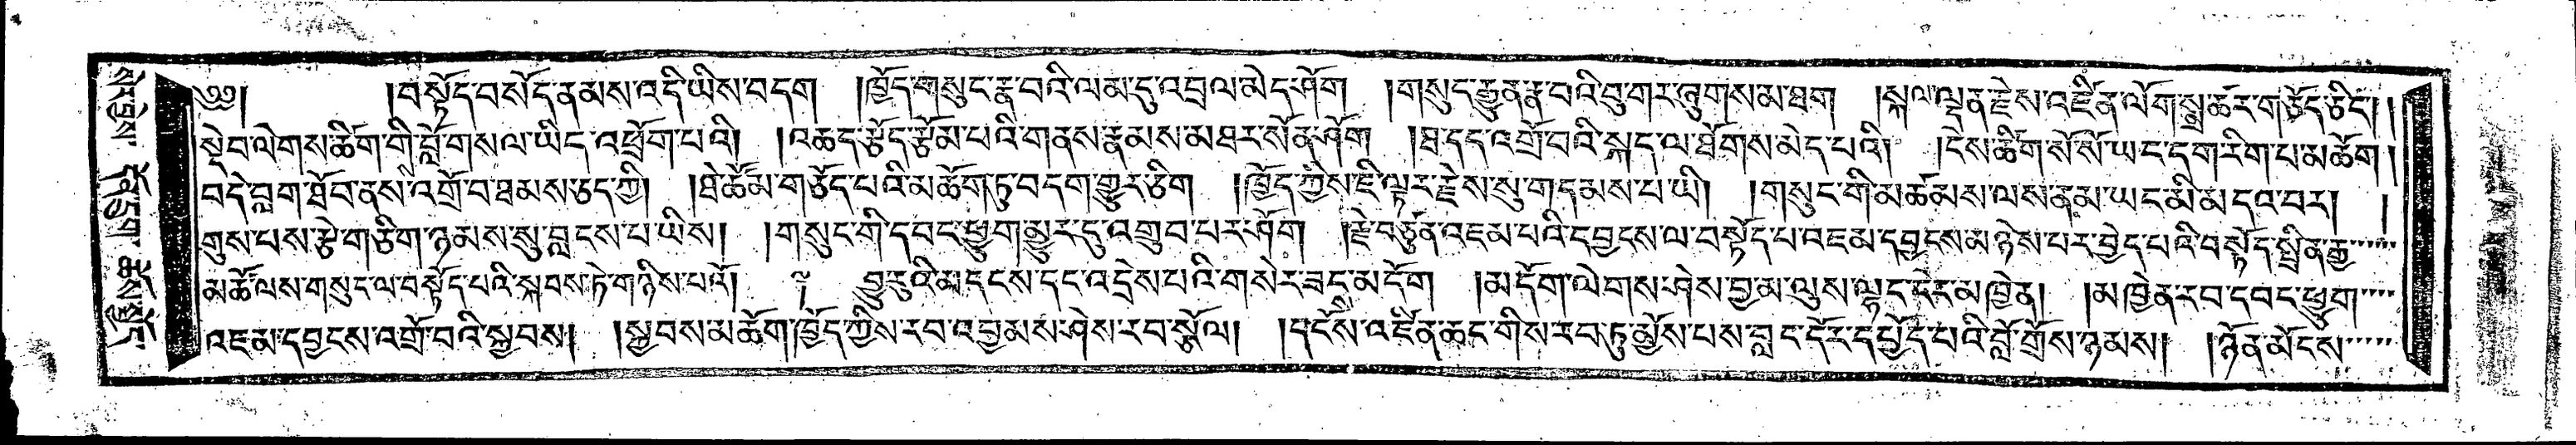༄༅། །བསྟོད་བསོད་ནམས་འདི་ཡིས་བདག །ཁྱོད་གསུང་རྣ་བའི་ལམ་དུ་འབྲལ་མེད་ཤོག །གསུང་རྒྱུན་རྣ་བའི་བུ་གར་ཞུགས་མ་ཐག །སྐལ་ལྡན་རྗེས་འཛིན་ལོག་སྨྲ་ཚར་གཅོད་ཅིང་། །
སྡེབ་ལེགས་ཚིག་གིས་བློ་གསལ་ཡིད་འཕྲོག་པའི། །འཆད་རྩོད་རྩོམ་པའི་གནས་རྣམས་མཐར་སོན་ཤོག །ཐ་དད་འགྲོ་བའི་སྐད་ལ་ཐོགས་མེད་པའི། །ངེས་ཚིག་སོ་སོ་ཡང་དག་རིག་པ་མཆོག །
བདེ་བླག་ཐོབ་ནས་འགྲོ་བ་ཐམས་ཅད་ཀྱི། །ཐེ་ཚོམ་གཅོད་པའི་མཆོག་ཏུ་བདག་གྱུར་ཅིག །ཁྱོད་ཀྱིས་ཇི་ལྟར་རྗེས་སུ་གདམས་པ་ཡི། །གསུང་གི་མཚམས་ལས་ནམ་ཡང་མི་མདའ་བར། །
གུས་པས་རྩེ་གཅིག་ཉམས་སུ་བླངས་པ་ཡིས། །གསུང་གི་དབང་ཕྱུག་མྱུར་དུ་འགྲུབ་པར་ཤོག །རྗེ་བཙུན་འཇམ་པའི་དབྱངས་ལ་བསྟོད་པ་འཇམ་དབྱངས་མཉེས་པར་བྱེད་པའི་བསྟོད་སྤྲིན་རྒྱ་
མཚོ་ལས་གསུང་ལ་བསྟོད་པའི་སྐབས་ཏེ་གཉིས་པའོ། ༈ བྱུ་རུའི་མདངས་དང་འདྲེས་པའི་གསེར་ཟངས་མདོག །མདོག་ལེགས་ཤེས་བྱ་མ་ལུས་ལྷང་དེར་མཁྱེན། །མཁྱེན་རབ་དབང་ཕྱུག་
འཇམ་དབྱངས་འགྲོ་བའི་སྐྱབས། །སྐྱབས་མཆོག་ཁྱོད་ཀྱིས་རབ་འབྱམས་ཤེས་རབ་སྩོལ། །དངོས་འཛིན་ཆང་གིས་རབ་ཏུ་མྱོས་པས་བླང་དོར་དཔྱོད་པའི་བློ་གྲོས་ཉམས། །ཉོན་མོངས་